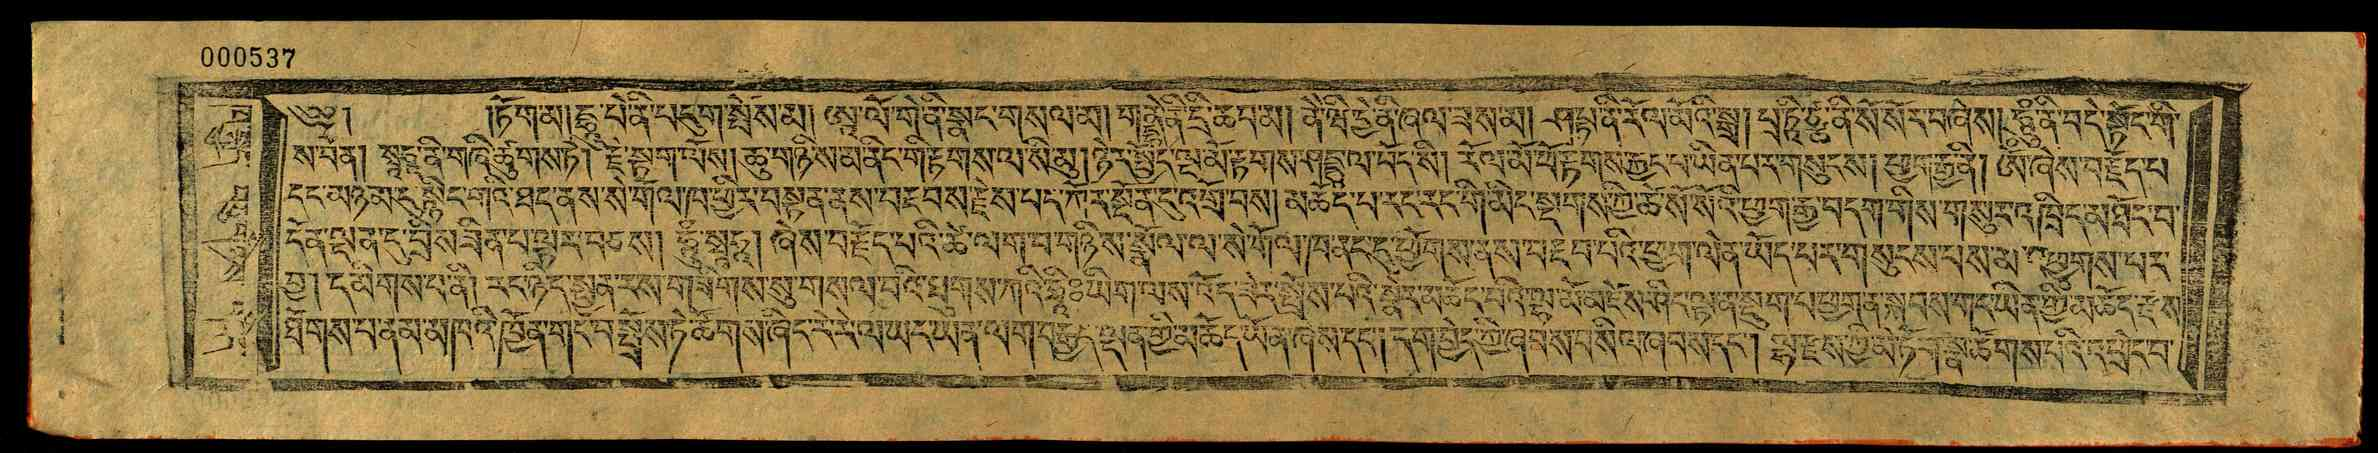༄༅། །ཏོག་མ། དྷཱུ་པེ་ནི་བདུག་སྤོས་མ། ཨཱ་ལོ་ཀེ་ནི་སྣང་གསལ་མ། གནྡྷེ་ནི་དྲི་ཆབ་མ། ནཻ་ཝི་དྱེ་ནི་ཞལ་ཟས་མ། ཤཔྟ་ནི་རོལ་མོའི་སྒྲ། པྲ་ཏཱི་ཙྪ་ནི་སོ་སོར་བཞེས། ཧཱུཾ་ནི་བདེ་སྟོང་གི་
ས་བོན། སྭཱཧཱ་ནི་གཞི་ཚུགས་ཏེ། རྗེ་སྟག་ལོས། ཆུ་གཉིས་མ་ནིང་གི་རྟགས་ལ་སི་མུ། ཉེར་སྤྱོད་ལྔ་མོ་རྟགས་ཤྲདྡྷཱ་ལ་བོད་སི། རོལ་མོ་ཕོ་རྟགས་རྐྱང་པ་ཡིན་པར་གསུངས། ཕྱག་རྒྱ་ནི། ཨོཾ་ཞེས་བརྗོད་པ་
དང་མཉམ་དུ་སྙིང་གའི་ཐད་ནས་སེ་གོལ་ཁ་ཕྱིར་བསྟན་ནས་བརྔབས་རྗེས་པད་ཀོར་སྔོན་དུ་འགྲོ་བས། མཆོད་པ་རང་རང་གི་མིང་སྔགས་ཀྱི་ཚེ་སོ་སོའི་ཕྱག་རྒྱ་བདག་གིས་གསུར་འཁྲིད་མཐོང་བ་
དོན་ལྡན་དུ་བྲིས་ཟིན་པ་ལྟར་བཅས། ཧཱུཾ་སྭཱཧཱ། ཞེས་བརྗོད་པའི་ཚེ་ལག་པ་གཉིས་སྣོལ་ལ་སེ་གོལ་ཁ་ནང་དུ་ཕྱོགས་ནས་བརྡབ་པའི་ཕྱག་ལེན་ཡོད་པར་གསུངས་པས་མ་འཕྱུགས་པར་
བྱ༑ དམིགས་པ་ནི༑ རང་ཉིད་སྤྱན་རས་གཟིགས་སུ་གསལ་བའི་ཐུགས་ཀའི་ཧྲཱིཿ ཡིག་ལས་འོད་ཟེར་སྤྲོས་པའི་སྣེར་མཆོད་པའི་ལྷ་མོ་མཛེས་ཤིང་ལྟ་ན་སྡུག་པ་ཕྱག་ན་སྐབས་གང་ཡིན་གྱི་མཆོད་རྫས་
ཐོགས་པ་ནམ་མཁའི་ཁྱོན་གང་བ་སྤྲོས་ཏེ་ཚོགས་ཞིང་རེ་རེ་ལ་ཡང་ཡན་ལག་བརྒྱད་ལྡན་གྱི་མཆོད་ཡོན་ཞལ་དང་། དག་བྱེད་ཀྱི་ཞབས་བསིལ་ཞབས་དང་། ལྷ་རྫས་ཀྱི་མེ་ཏོག་སྣ་ཚོགས་པའི་འཕྲེང་བ་